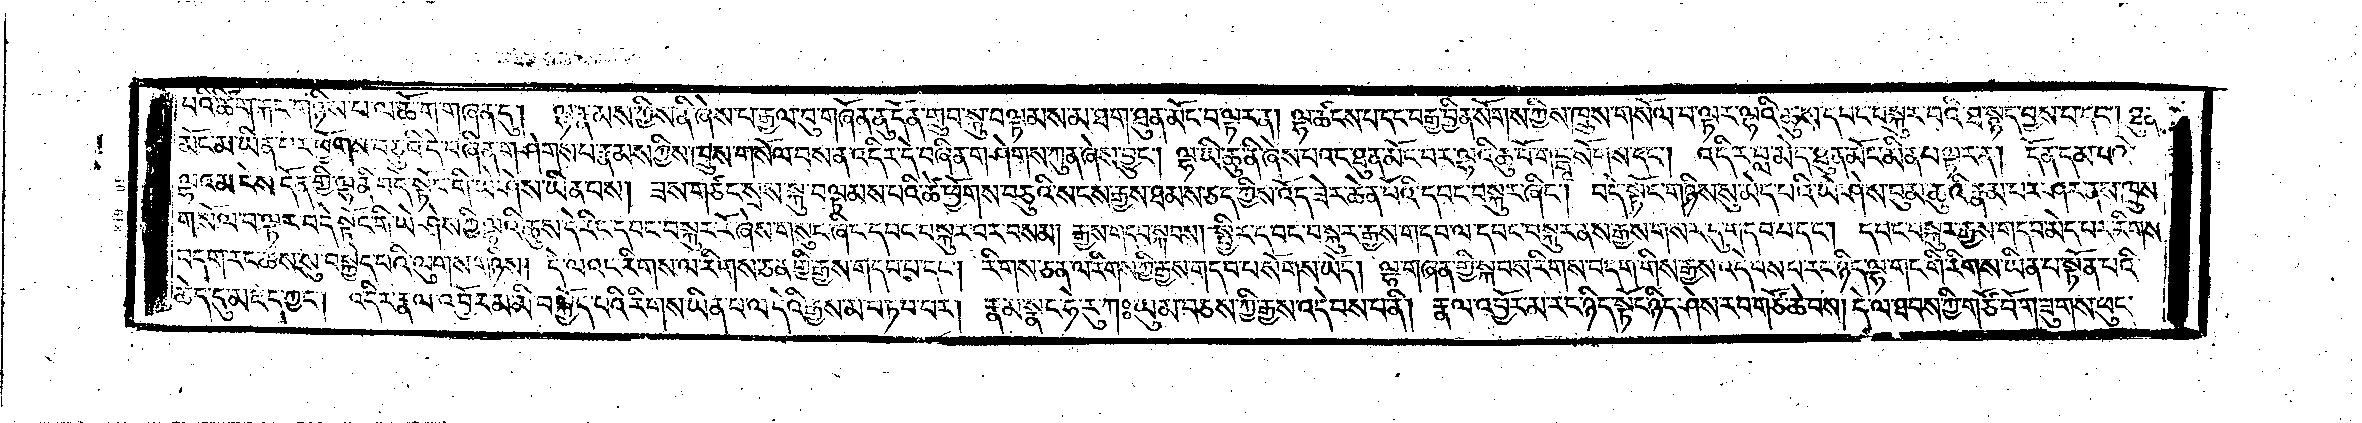པའི་ཚིག་རྐང་གཉིས་པ་ལ་ཆོ་ག་གཞན་དུ། ལྷ་རྣམས་ཀྱིས་ནི་ཞེས་པ་རྒྱལ་བུ་གཞོན་ནུ་དོན་གྲུབ་སྐུ་བལྟམས་མ་ཐག་ཐུན་མོང་བ་ལྟར་ན། ལྷ་ཚངས་པ་དང་བརྒྱ་བྱིན་སོགས་ཀྱིས་ཁྲུས་གསོལ་བ་ལྟར་ལྷའི་ཆུས་དབང་བསྐུར་བའི་ཐ་སྙད་བྱས་པ་དང་། ཐུན་
མོང་མ་ཡིན་པར་ཕྱོགས་བཅུའི་དེ་བཞིན་གཤེགས་པ་རྣམས་ཀྱིས་ཁྲུས་གསོལ་བསན་འདིར་དེ་བཞིན་གཤེགས་ཀུན་ཞེས་བྱུང་། ལྷ་ཡི་ཆུ་ནི་ཞེས་པའང་ཐུན་མོང་བར་ལྷའི་ཆུ་བོ་གངྒཱ་སོགས་དང་། འདིར་བླ་མེད་ཐུན་མོང་མིན་པ་ལྟར་ན། དོན་དམ་པའི་
ལྷའམ་ངེས་དོན་གྱི་ལྷ་ནི་བདེ་སྟོང་གི་ཡེ་ཤེས་ཡིན་པས། ཟས་གཙང་སྲས་སྐུ་བལྟམས་པའི་ཚེ་ཕྱོགས་བཅུའི་སངས་རྒྱས་ཐམས་ཅད་ཀྱིས་འོད་ཟེར་ཆེན་པོའི་དབང་བསྐུར་ཞིང་། བདེ་སྟོང་གཉིས་སུ་མེད་པའི་ཡེ་ཤེས་བུམ་ཆུའི་རྣམ་པར་ཤར་ནས་ཁྲུས་
གསོལ་བ་ལྟར་བདེ་སྟོང་གི་ཡེ་ཤེས་ཀྱི་ལྷའི་ཆུས་དེ་རིང་དབང་བསྐུར་རོ་ཞེས་གསུང་ཞིང་དབང་བསྐུར་བར་བསམ། རྒྱས་གང་བ་སྐབས། སྤྱིར་དབང་བསྐུར་རྒྱས་གདབ་ལ་དབང་བསྐུར་ནས་རྒྱས་གསར་དུ་གདབ་པ་དང་། དབང་བསྐུར་རྒྱས་གདབ་མེད་པར་རིགས་
བདག་རང་ཆས་སུ་བསྐྱེད་པའི་ལུགས་གཉིས། དེ་ལའང་རིགས་ལ་རིགས་ཅན་གྱི་རྒྱས་གདབ་པ་དང་། རིགས་ཅན་ལ་རིགས་ཀྱི་རྒྱས་གདབ་པ་སོགས་ཡོད། ལྷ་གཞན་གྱི་སྐབས་རིགས་བདག་གིས་རྒྱས་འདེབས་པ་རང་ཉིད་ལྷ་གང་གི་རིགས་ཡིན་པ་སྟོན་པའི་
ཆེད་དུ་མཛད་ཀྱང་། འདིར་རྣལ་འབྱོར་མ་མི་བསྐྱོད་པའི་རིགས་ཡིན་པ་ལ་དེའི་རྒྱས་མ་བཏབ་པར། རྣམ་སྣང་ཧེ་རུ་ཀཿ ཡུམ་བཅས་ཀྱི་རྒྱས་འདེབས་པ་ནི། རྣལ་འབྱོར་མ་རང་ཉིད་སྟོང་ཉིད་ཤེས་རབ་གཙོ་ཆེ་བས། དེ་ལ་ཐབས་ཀྱི་གཙོ་བོ་གཟུགས་ཕུང་